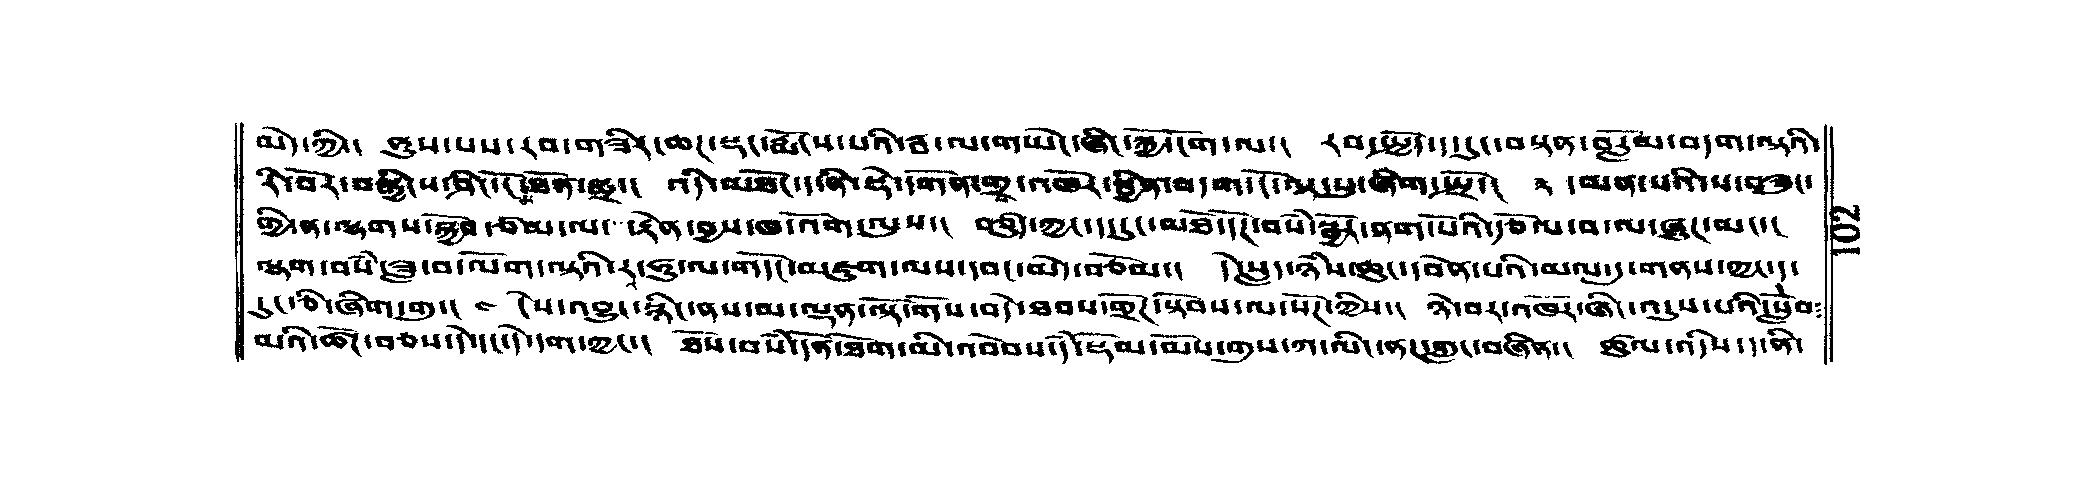མོད་ཀྱི། །ནུས་པས་རབ་གཟི་ཆགས་སྡང་རྨོངས་པའི་རྦ་ལ་གཡེང་ཞིང་སྐྱོ་ངོགས་ལ། །རབ་སྤྱོད་ད་དུང་བསྟན་རློམ་བདག་ལྟའི་
རི་བོར་བསྒྱིངས་ཤིང་ངོ་མཐོན་སྨྲ། །འདི་མཐོང་ད་ནི་སྡེ་དགོན་གྲྭ་འཁོར་སྦྱིན་བདག་ངོ་ལྟ་སུ་ཞིག་སྤྲོ། །དམན་པའི་ས་བཟུང་
གྱི་ན་ལྷགས་སྐྱོབ་ཙམ་ལ་རྟེན་བྱས་ཁ་འོག་ལུས། །བཅུད་ཀྱང་ད་དུང་མཐོང་དོགས་བསམ་སྦྱོར་ནག་པོའི་རྩོལ་བ་ལ་ཞུགས་མང་། །
ལྷག་བསམ་ཟླ་བ་ལོག་ལྟའི་རཱ་ཧུ་ལ་གདོང་མཇུག་ལས་དབང་མེད་བཅོམ། །དེ་ལས་ཉམས་ཆུང་དབེན་པའི་མལ་དུ་གནས་ཀྱང་ད་
དུང་ཅི་ཞིག་མགུ། །ངེས་འབྱུང་སྙིང་ནས་མ་ལྡན་ལྟོ་གོས་བདེ་ཐབས་གྲོགས་སྟོབས་ལ་སོགས་ཀྱིས། །ཉེ་བར་འཁོར་ཞིང་འདུས་པའི་སློབ་
མའི་ཚོགས་བཅས་དེ་དང་དེ་དག་ཀྱང་། །ཐོས་བསམ་དོན་ཐོག་མི་འབེབས་དམ་སྡོམ་མོས་གུས་ཀ་ལིང་ནགས་གླང་བཞིན། །ཚུལ་འདིས་ད་ནི་